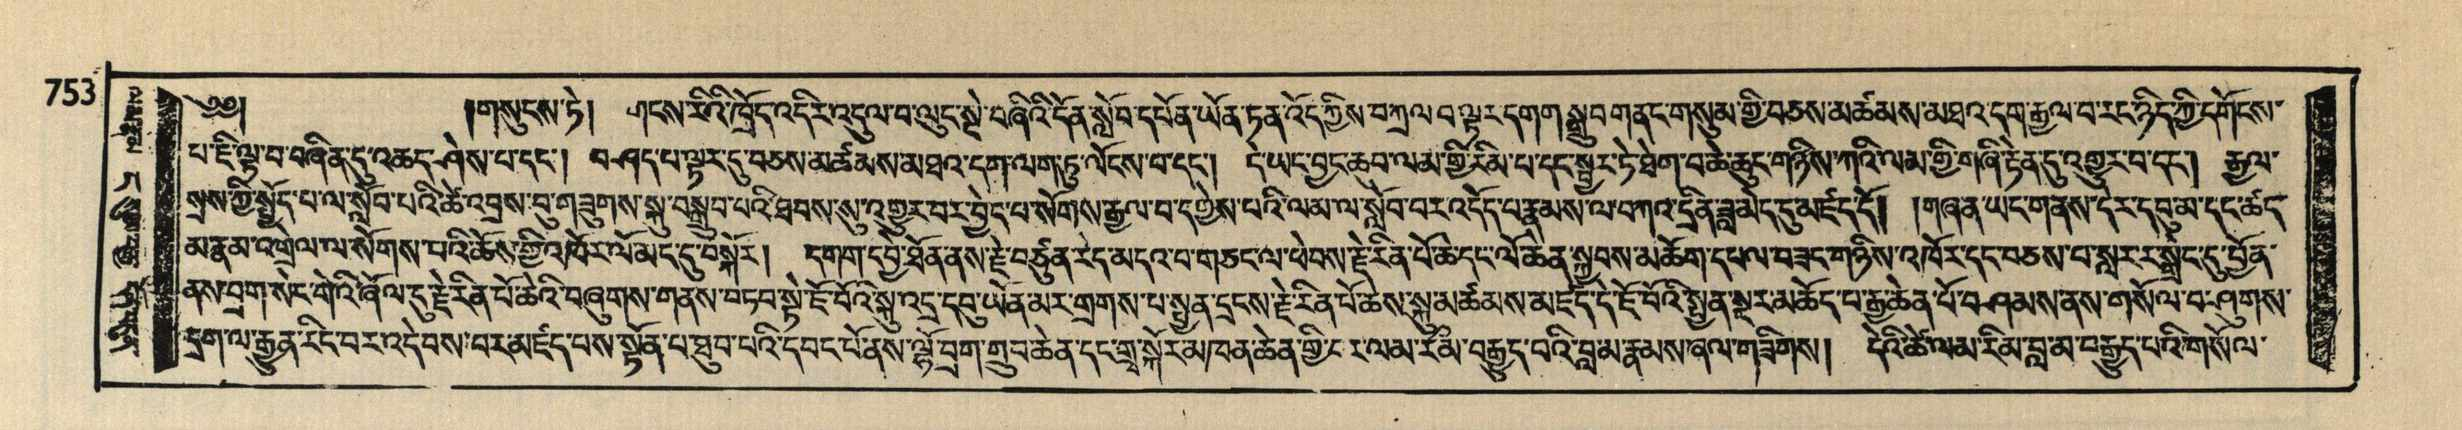༄༅། །གསུངས་ཏེ། གངས་རིའི་ཁྲོད་འདིར་འདུལ་བ་ལུང་སྡེ་བཞིའི་དོན་སློབ་དཔོན་ཡོན་ཏན་འོད་ཀྱིས་བཀྲལ་བལྟར་དགག་སྒྲུབ་གནང་གསུམ་གྱི་བཅས་མཚམས་མཐའ་དག་རྒྱལ་བ་རང་ཉིད་ཀྱི་དགོངས་
པ་ཇི་ལྟ་བ་བཞིན་དུ་འཆད་ཤེས་པ་དང་། བཤད་པ་ལྟར་དུ་བཅས་མཚམས་མཐའ་དག་ལག་ཏུ་ལོངས་བ་དང་། དེ་ཡང་བྱང་ཆུབ་ལམ་གྱི་རིམ་པ་དང་སྦྱར་ཏེ་ཐེག་བ་ཆེ་ཆུང་གཉིས་ཀའི་ལམ་གྱི་གཞི་རྟེན་དུ་འགྱུར་བ་དང་། རྒྱལ་
སྲས་ཀྱི་སྤྱོད་པ་ལ་སློབ་པའི་ཚེ་འབྲས་བུ་གཟུགས་སྐུ་བསྒྲུབ་པའི་ཐབས་སུ་འགྱུར་བར་བྱེད་པ་སོགས་རྒྱལ་བ་དགྱེས་པའི་ལམ་ལ་སློབ་བར་འདོད་པ་རྣམས་ལ་བཀའ་དྲིན་ཟླ་མེད་དུ་མཛད་དོ། །གཞན་ཡང་གནས་དེར་དབུ་མ་དང་ཚད་
མ་རྣམ་འགྲེལ་ལ་སོགས་པའི་ཆོས་གྱི་འཁོར་ལོ་མང་དུ་བསྐོར། དགག་དབྱེ་ཐོན་ནས་རྗེ་བཙུན་རེད་མདའ་བ་གཅང་ལ་ཕེབས་རྗེ་རིན་པོ་ཆེ་དང་ལོ་ཆེན་སྐྱབས་མཆོག་དཔལ་བཟང་གཉིས་འཁོར་དང་བཅས་པ་སླར་ར་སྒྲེང་དུ་བྱོན་
ནས་བྲག་སེང་གེའི་ཞོལ་དུ་རྗེ་རིན་པོ་ཆེའི་བཞུགས་གནས་བཏབ་སྟེ་ཇོ་བོའི་སྐུ་འདྲ་དབུ་ཡོན་མར་གྲགས་པ་སྤྱན་དྲངས་རྗེ་རིན་པོ་ཆེས་སྐུ་མཚམས་མཛད་དེ་ཇོ་བོའི་སྤྱན་སྔར་མཆོད་པ་རྒྱ་ཆེན་པོ་བཤམས་ནས་གསོལ་བ་ཤུགས་
དྲག་ལ་རྒྱུན་རིང་བར་འདེབས་བར་མཛད་པས་སྟོན་པ་ཐུབ་པའི་དབང་པོ་ནས་ལྷོ་བྲག་གྲུབ་ཆེན་དང་གྲྭ་སྐོར་མཁན་ཆེན་གྱི་བར་ལམ་རྀམ་བརྒྱུད་བའི་བླ་མ་རྣམས་ཞལ་གཟིགས། དེའི་ཚེ་ལམ་རིམ་བླ་མ་བརྒྱུད་པའི་གསོལ་